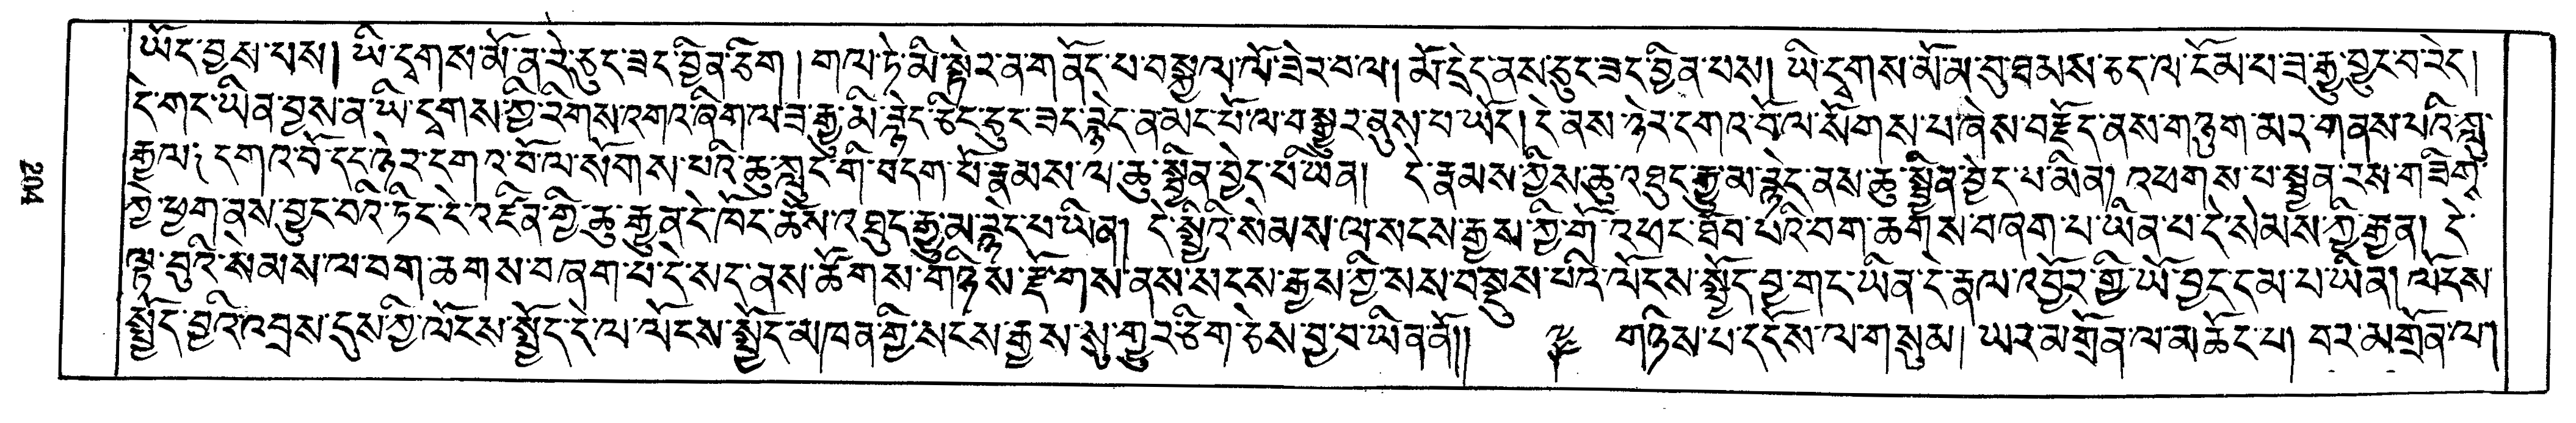ཡོད་བྱས་པས། ཡི་དྭགས་མོ་ན་རེ་ཅུང་ཟད་བྱིན་ཅིག། གལ་ཏེ་མི་སྟེར་ན་གནོད་པ་བསྐྱལ་ལོ་ཟེར་བ་ལ། མོ་དྲེད་ནས་ཅུང་ཟད་བྱིན་པས། ཡི་དྭགས་མོ་མ་བུ་ཐམས་ཅད་ལ་ངོམ་པ་ཟ་རྒྱུ་བྱུང་བ་རེད།
དེ་གང་ཡིན་བྱས་ན་ཡི་དྭགས་ཀྱི་རིགས་འགའ་ཞིག་ལ་ཟ་རྒྱུ་མི་རྙེད་ཅིང་ཅུང་ཟད་རྙེད་ན་མང་པོ་ལ་བསྒྱུར་ནུས་པ་ཡོད། དེ་ནས་ཉེར་དགའ་བོ་ལ་སོགས་པ་ཞེས་བརྗོད་ནས་གཉུག་མར་གནས་པའི་ཀླུ་
རྒྱལ༑ དགའ་བོ་དང་ཉེར་དགའ་བོ་ལ་སོགས་པའི་ཆུ་ཀླུང་གི་བདག་པོ་རྣམས་ལ་ཆུ་སྦྱིན་བྱེད་པ་ཡིན། དེ་རྣམས་ཀྱིས་ཆུ་འཐུང་རྒྱུ་མ་རྙེད་ནས་ཆུ་སྦྱིན་བྱེད་པ་མིན། འཕགས་པ་སྤྱན་རས་གཟིགས་
ཀྱི་ཕྱག་ནས་བྱུང་བའི་ཏིང་ངེ་འཛིན་གྱི་ཆུ་རྒྱུན་དེ་ཁོང་ཚོས་འཐུང་རྒྱུ་མ་རྙེད་པ་ཡིན། དེ་སྤྱིའི་སེམས་ལ་སངས་རྒྱས་ཀྱི་གོ་འཕང་ཐོབ་པའི་བག་ཆགས་བཞག་པ་ཡིན་པ་དེ་སེམས་ཀྱི་རྒྱན། དེ་
ལྟ་བུའི་སེམས་ལ་བག་ཆགས་བཞག་པ་དེ་སད་ནས་ཚོགས་གཉིས་རྫོགས་ནས་སངས་རྒྱས་ཀྱི་སས་བསྡུས་པའི་ལོངས་སྤྱོད་བྱ་གང་ཡིན་དེ་རྣལ་འབྱོར་གྱི་ཡོ་བྱད་དམ་པ་ཡིན། ལོངས་
སྤྱོད་བྱའི་འབྲས་དུས་ཀྱི་ལོངས་སྤྱོད་དེ་ལ་ལོངས་སྤྱོད་མཁན་གྱི་སངས་རྒྱས་སུ་གྱུར་ཅིག་ཅེས་བྱ་བ་ཡིན་ནོ།། ༈ གཉིས་པ་དངོས་ལ་གསུམ། ཡར་མགྲོན་ལ་མཆོད་པ། བར་མགྲོན་ལ་